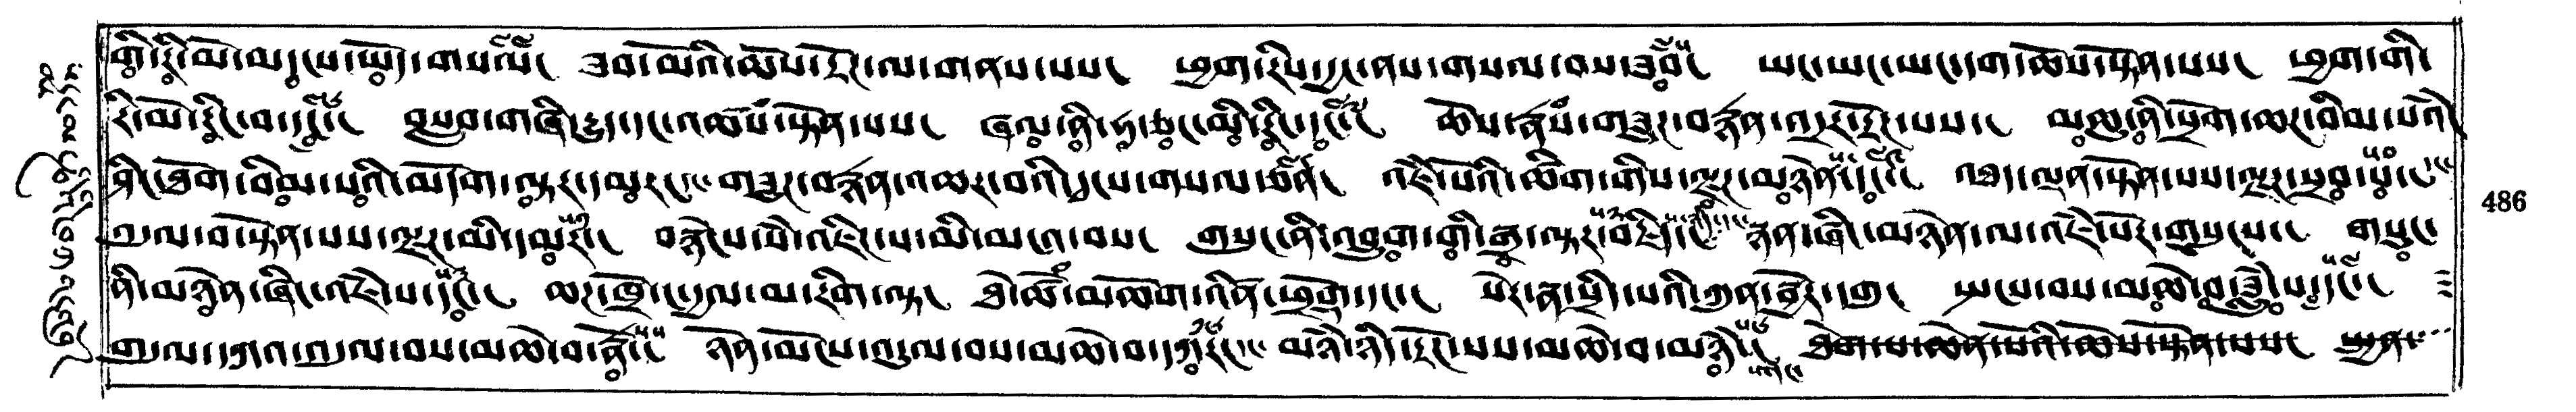གི་རི་མོ་མདངས་ཡོད་གསལ། །ཟབ་མོའི་ཆོས་རྟོགས་ལ་གནས་པས། །ཕྱག་རིས་རྒྱང་ནས་གསལ་བས་ཟབ། །ཡང་ཡང་ཡང་དག་ཆོས་སྟོན་པས། །ཕྱག་གི་
རི་མོ་རིང་བ་དང་། །བསླབ་གཞི་རྒྱུད་དང་འཚམས་སྟོན་པས། །ཞལ་ནི་ཧ་ཅང་མི་རིང་དང་། །ཆོས་རྣམས་གཟུགས་བརྙན་འདྲར་རྟོགས་པས། །མཆུ་ནི་སྲོག་ཆགས་བིམ་པའམ། །
ཤིང་ཐོག་བིམ་པའི་མདོག་ལྟར་དམར། །གཟུགས་བརྙན་འཆར་བའི་དྭངས་གསལ་ཅན། །འཇམ་པོའི་ཚིག་གིས་ལྗགས་མཉེན་དང་། །འཐད་ལྡན་སྟོན་པས་ལྗགས་སྲབ་པ། །
འདུལ་བ་སྟོན་པས་ལྗགས་མི་དམར། །བསྙེངས་སམ་འཇིགས་པ་མི་མངའ་བས། །གསུང་ནི་འབྲུག་གི་སྒྲ་ལྟར་བརྗིད།།པ་ཉིད་དང་། སྙན་ཞིང་མཉེན་ལ་འཇམ་པོར་གསུངས། །གསུང་
ནི་མཉེན་ཞིང་འཇམ་པ་དང་། །ཆགས་ཁྲོ་ང་རྒྱལ་མ་རིག་ལྟ། །ཐེ་ཚོམ་མཆོག་འཛིན་ཕྲ་དོག་དང་། །སེར་སྣ་སྲིད་པའི་ཀུན་སྦྱོར་དགུ། །སྤངས་བས་མཆེ་བ་ཟླུམ་པ་དང་། །
གདུལ་དཀའ་འདུལ་བས་མཆེ་བ་རྣོ།། བས། ཉོན་མོངས་འདུལ་བས་མཆེ་བ་དཀར། །མཉམ་ཉིད་རྟོགས་པས་མཆེ་བ་མཉམ།། པ་དང་།